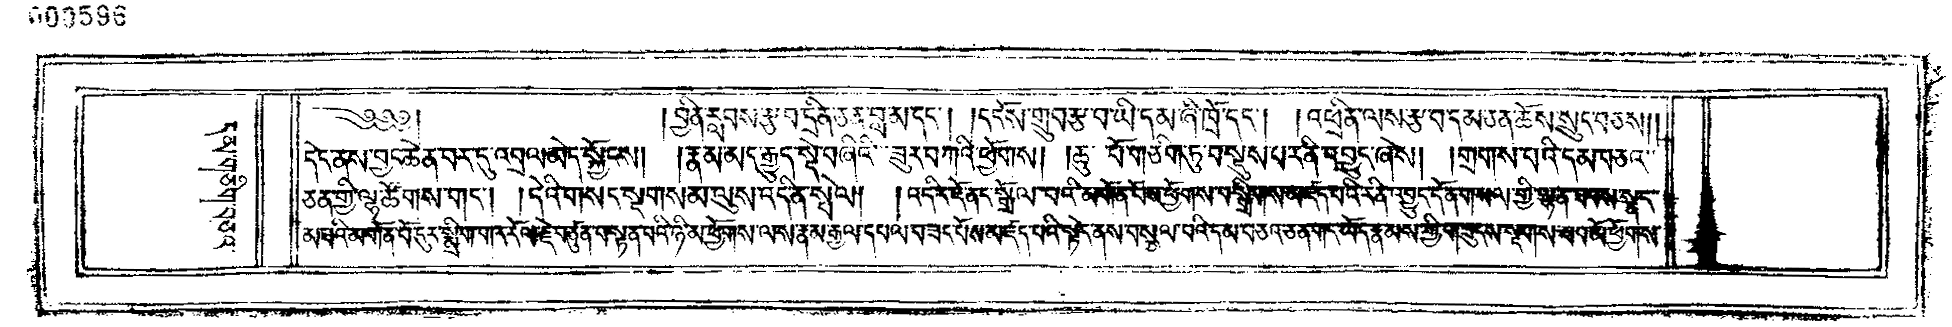༄༅༅། །བྱིན་རླབས་རྩ་བ་དྲིན་ཅན་བླ་མ་དང་། །དངོས་གྲུབ་རྩ་བ་ཡི་དམ་ཞི་ཁྲོ་དང་། །འཕྲིན་ལས་རྩ་བ་དམ་ཅན་ཆོས་སྲུང་བཅས། །
དེང་ནས་བྱང་ཆེན་བར་དུ་འབྲལ་མེད་སྐྱོངས། །རྣམ་མང་རྒྱུད་སྡེ་བཞིའི་ཟུར་བཀའི་ཕྱོགས། །ཆུ་བོ་གཅིག་ཏུ་བསྡུས་པ་རིན་འབྱུང་ཞེས། །གྲགས་པའི་དམ་བཅའ་
ཅན་གྱི་ལྷ་ཚོགས་གང་། །དེའི་གསང་སྔགས་མ་ལུས་འདི་ན་སྤེལ། །འདིར་ཇོ་ནང་སྒྲོལ་བའི་མགོན་པོས་ཕྱོགས་བསྒྲིགས་མཛད་པའི་རིན་འབྱུང་དོན་གསལ་གྱི་ལྷན་ཐབས་སྣང་
མཐའི་མགོན་པོ་ངུར་སྨྲིག་གར་རོལ་རྗེ་བཙུན་བསྟན་པའི་ཉི་མ་ཕྱོགས་ལས་རྣམ་རྒྱལ་དཔལ་བཟང་པོས་མཛད་པའི་སྟེང་ནས་བསྩལ་བའི་དམ་བཅའ་ཅན་གང་ཡོད་རྣམས་ཀྱི་གཟུངས་སྔགས་ཟབ་མོ་ཕྱོགས་